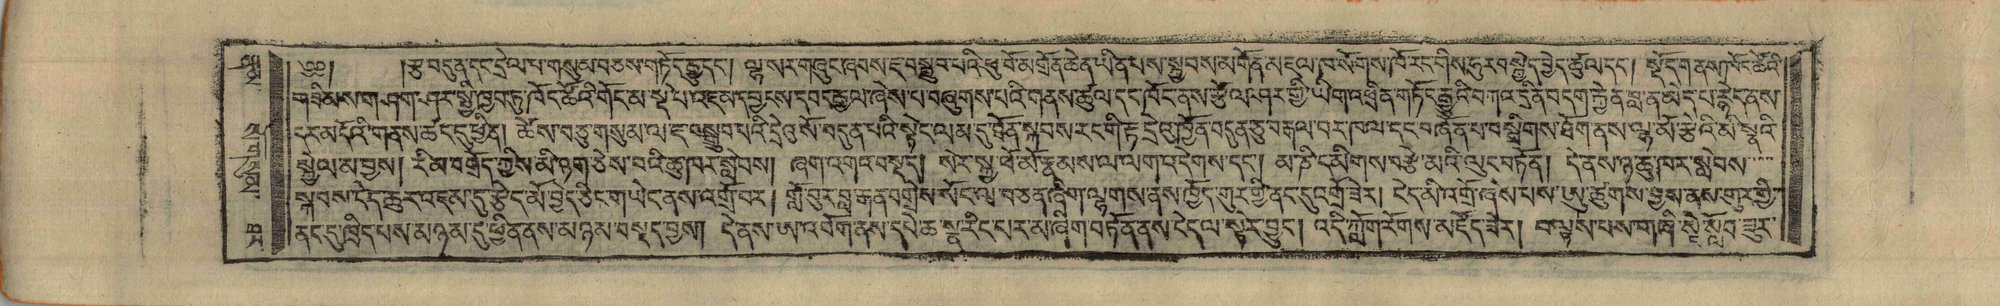༄༅། །རྩ་བདུན་དང་དྲེལ་པ་གསུམ་བཅས་གཏོང་རྒྱུ་དང་། ལྷ་སར་གཞུང་ཞབས་ཇ་བསྒྲུབ་པའི་ཕུ་པོ་མགྲོན་ཆེན་ཡིན་པས་སྐྱབས་མགོན་མཇལ་ཁ་སོགས་ཁོ་རང་གིས་ཧུར་བསྐྱེད་བྱེད་ཚུལ་དང་། སྡོད་གནས་ཁོང་ཚོའི་
གཟིམས་གཤག་ཤར་སྤྱི་ཁྱབ་ཏུ་ཁོང་ཚོའི་གོང་མ་སྡེ་པ་འཇམ་དབྱངས་དབང་རྒྱལ་ཞེས་པ་བཞུགས་པའི་གནས་ཚུལ་དང་ཁོང་ནས་རྩོལ་ཤར་གྱི་ཡིག་འཕྲིན་གཏོང་རྒྱུའི་བཀའ་དྲིན་བདག་རྐྱེན་བླ་ན་མེད་པ་རྙེད་ནས་
དར་མདོའི་གནས་ཚང་དུ་ཕྱིན། ཚེས་བཅུ་གསུམ་ལ་ཇ་བསྒྲུབ་པའི་དྲེའུ་སོ་བདུན་པའི་སྟེང་ལམ་དུ་ཐོན་སྐབས་རང་གི་རྟ་དྲེའུ་ཁྱོན་བདུན་ཅུ་བརྒལ་བར་ཁལ་དང་བཞོན་པ་བསྒྲིགས་ཐོག་ནས་ལྷ་མོ་རྩེའི་མི་སྣའི་
སྐྱེལ་མ་བྱས། རིམ་བགྲོད་ཀྱིས་མི་ཉག་ཅེས་པའི་ཆུ་ཁར་སླེབས། ཞག་འགའ་བསྡད། སེར་སྐྱ་ཕོ་མོ་རྣམས་ལ་ལག་འདེགས་དང་། མ་ཎི་དམིགས་བརྩེ་མའི་ལུང་བཏོན། དེ་ནས་ཉ་ཆུ་ཁར་སླེབས་
སྐབས་ངེད་ཆུར་འཇམ་དུ་རྩེད་མོ་བྱེད་ཅིང་གཡེང་ནས་འགྲོ་བར། གློ་བུར་བླ་རྒན་བགྲེས་སོང་ལྭ་བ་ཅན་ཞིག་ལྷགས་ནས་ཁྱོད་གུར་གྱི་ནང་དུ་འགྲོ་ཟེར། ངེད་མི་འགྲོ་ཞེས་པས་ཨུ་ཚུགས་བྱས་ནས་གུར་གྱི་
ནང་དུ་ཁྲིད་པས་མཉམ་དུ་ཕྱིན་ནས་མཉམ་བསྡད་བྱས། དེ་ནས་ཨ་འབོག་ནས་དཔེ་ཆ་སྣ་རིང་པར་མ་ཞིག་བཏོན་ནས་ངེད་ལ་སྟེར་བྱུང་། འདི་ཀློག་རོགས་མཛོད་ཟེར། བལྟས་པས་གཞི་སྡེ་སློབ་ཟུར་